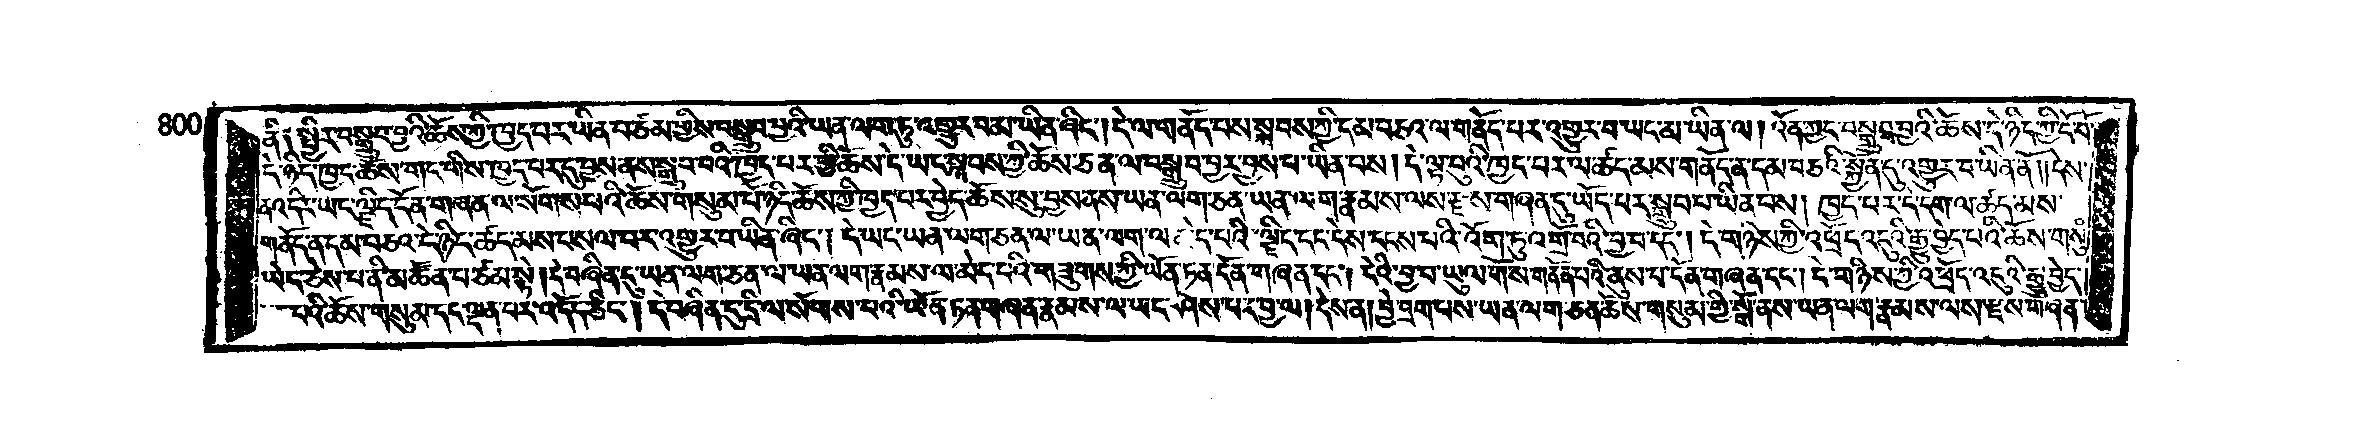ནི། སྤྱིར་བསྒྲུབ་བྱའི་ཆོས་ཀྱི་ཁྱད་པར་ཡིན་པ་ཙམ་གྱིས་བསྒྲུབ་བྱའི་ཡན་ལག་ཏུ་འགྱུར་བ་མ་ཡིན་ཞིང་། དེ་ལ་གནོད་པས་སྐབས་ཀྱི་དམ་བཅའ་ལ་གནོད་པར་འགྱུར་བ་ཡང་མ་ཡིན་ལ། འོན་ཀྱང་བསྒྲུབ་བྱའི་ཆོས་དེ་ཉིད་ཀྱི་ངོ་བོ་
དེ་ཉིད་ཁྱད་ཆོས་གང་གིས་ཁྱད་པར་དུ་བྱས་ནས་སྒྲུབ་པའི་ཁྱད་པར་གྱི་ཆོས་དེ་ཡང་སྐབས་ཀྱི་ཆོས་ཅན་ལ་བསྒྲུབ་བྱར་བྱས་པ་ཡིན་པས། དེ་ལྟ་བུའི་ཁྱད་པར་ལ་ཚད་མས་གནོད་ན་དམ་བཅའི་སྐྱོན་དུ་འགྱུར་བ་ཡིན་ནོ། །དེས་
ན་འདིར་ཡང་ལྗིད་དོན་གཞན་ལ་སོགས་པའི་ཆོས་གསུམ་པོ་ཉིད་ཆོས་ཀྱི་ཁྱད་པར་བྱེད་ཆོས་སུ་བྱས་ནས་ཡན་ལག་ཅན་ཡན་ལག་རྣམས་ལས་རྫས་གཞན་དུ་ཡོད་པར་སྒྲུབ་པ་ཡིན་པས། ཁྱད་པར་དེ་དག་ལ་ཚད་མས་
གནོད་ན་དམ་བཅའ་དེ་ཉིད་ཚད་མས་བསལ་བར་འགྱུར་བ་ཡིན་ཞིང་། དེ་ཡང་ཡན་ལག་ཅན་ལ་ཡན་ལག་ལ་མེད་པའི་ལྗིད་དང་དེས་དང་པའི་འོག་ཏུ་འགྲོ་བའི་བྱ་བའི་དང་། དེ་གཉིས་ཀྱི་འཕྲོད་འདུའི་རྒྱུ་བྱེད་པའི་ཆོས་གསུམ་
ཡོད་ཅེས་པ་ནི་མཚོན་པ་ཙམ་སྟེ། དེ་བཞིན་དུ་ཡན་ལག་ཅན་ལ་ཡན་ལག་རྣམས་ལ་མེད་པའི་གཟུགས་ཀྱི་ཡོན་ཏན་དོན་གཞན་དང་། དེའི་བྱ་བ་ཡུལ་གོས་གནོན་པའི་ནུས་པ་དོན་གཞན་དང་། དེ་གཉིས་ཀྱི་འཕྲོད་འདུའི་རྒྱུ་བྱེད་
པའི་ཆོས་གསུམ་དང་ལྡན་པར་འདོད་ཅིང་། དེ་བཞིན་དུ་དྲི་ལ་སོགས་པའི་ཡོན་ཏན་གཞན་རྣམས་ལ་ཡང་ཤེས་པར་བྱ་ལ། དེས་ན། བྱེ་བྲག་པས་ཡན་ལག་ཅན་ཆོས་གསུམ་གྱི་སྒོ་ནས་ཡན་ལག་རྣམས་ལས་རྫས་གཞན་